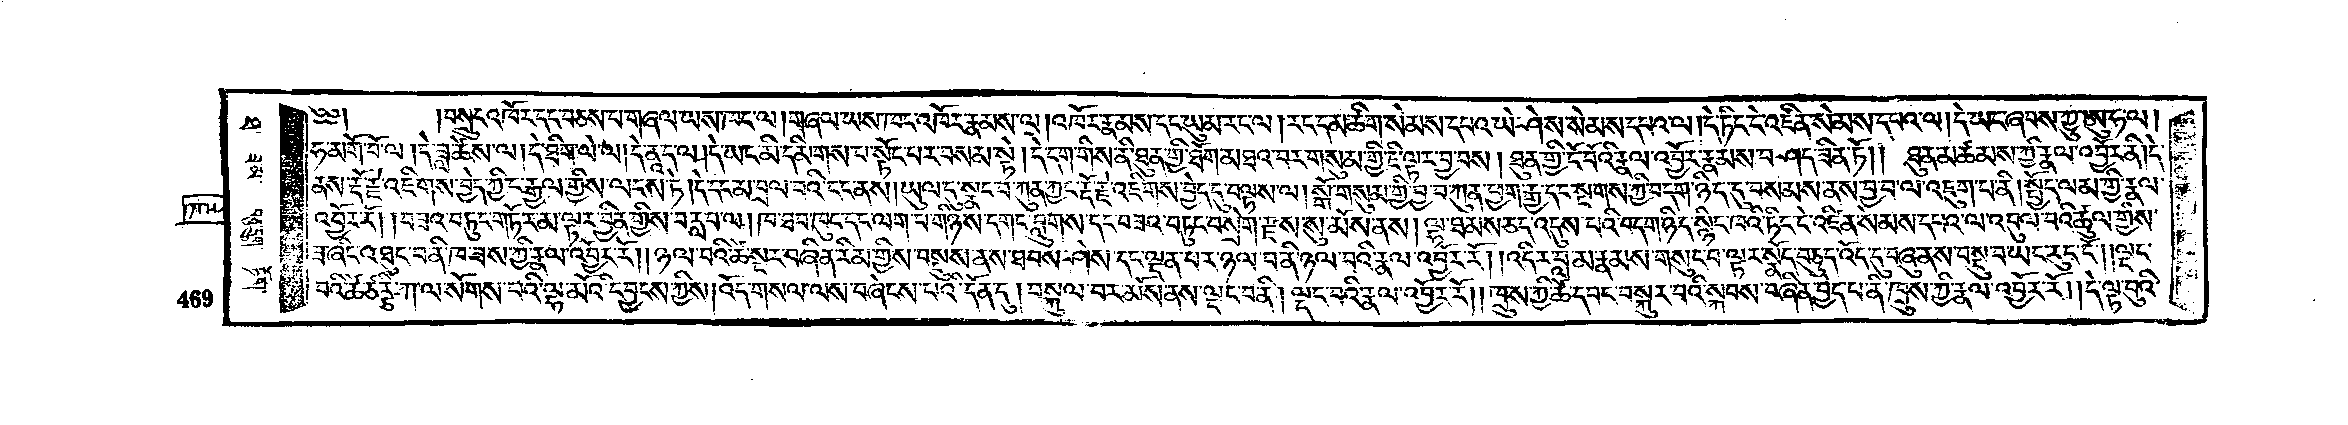༄༅། །བསྲུང་འཁོར་དང་བཅས་པ་གཞལ་ཡས་ཁང་ལ། གཞལ་ཡས་ཁང་འཁོར་རྣམས་ལ། འཁོར་རྣམས་ལ། འཁོར་རྣམས་དང་ཡུམ་རང་ལ། རང་དམ་ཚིག་སེམས་དཔའ་ཡེ་ཤེས་སེམས་དཔའ་ལ། དེ་ཏིང་ངེ་འཛིན་སེམས་དཔའ་ལ། དེ་ཡང་ཞབས་ཀྱུ་ཨུ་ཧ་ལ།
ཧ་མགོ་བོ་ལ། དེ་ཟླ་ཚེས་ལ། དེ་ཐིག་ལེ་ལ། དེ་ནཱ་ད་ལ། དེ་ཡང་མི་དམིགས་པ་སྟོང་པར་བསམ་སྟེ། དེ་དག་གིས་ནི་ཐུན་གྱི་ཐོག་མཐའ་བར་གསུམ་གྱི་ཇི་ལྟར་བྱ་བས། ཐུན་གྱི་ངོ་བོའི་རྣལ་འབྱོར་རྣམས་བཤད་ཟིན་ཏོ། །ཐུན་མཚམས་ཀྱི་རྣལ་འབྱོར་ནི། དེ་
ནས་རྡོ་རྗེ་འཇིགས་བྱེད་ཀྱི་ང་རྒྱལ་གྱིས་ལངས་ཏེ། དེ་དང་མ་བྲལ་བའི་ངང་ནས། ཡུལ་དུ་སྣང་བ་ཀུན་ཀྱང་རྡོ་རྗེ་འཇིགས་བྱེད་དུ་བལྟས་ལ། སྒོ་གསུམ་གྱི་བྱ་བ་ཀུན་ཕྱག་རྒྱ་དང་སྔགས་ཀྱི་བདག་ཉིད་དུ་བསམས་ནས་བྱ་བ་ལ་འཇུག་པ་ནི། སྤྱོད་ལམ་གྱི་རྣལ་
འབྱོར་རོ། །བཟའ་བཏུང་གཏོར་མ་ལྟར་བྱིན་གྱིས་བརླབ་ལ། ཁ་ཐབ་ཁུང་དང་ལག་པ་གཉིས་དགང་བླུགས་དང་བཟའ་བཏུང་བསྲེག་རྫས་སུ་མོས་ནས། ལྷ་ཐམས་ཅད་འདུས་པའི་བདག་ཉིད་སྙིང་ཁའི་ཏིང་ངེ་འཛིན་སེམས་དཔའ་ལ་འབུལ་བའི་ཚུལ་གྱིས་
ཟ་ཞིང་འཐུང་བ་ནི་ཁ་ཟས་ཀྱི་རྣལ་འབྱོར་རོ། །ཉལ་བའི་ཚེ་སྔར་བཞིན་རིམ་གྱིས་བསྡུས་ནས་ཐབས་ཤེས་དང་ལྡན་པར་ཉལ་བ་ནི་ཉལ་བའི་རྣལ་འབྱོར་རོ། །འདིར་བླ་མ་རྣམས་གསུང་བ་ལྟར་སྣོད་བཅུད་འོད་དུ་བཞུ་ནས་བསྡུ་བ་ཡང་རུང་ངོ། །ལྡང་
བའི་ཚེ་ཙརྩི་ཀ་ལ་སོགས་པའི་ལྷ་མོའི་དབྱངས་ཀྱིས། འོད་གསལ་ལས་བཞེངས་པའི་དོན་དུ། བསྐུལ་བར་མོས་ནས་ལྡང་བ་ནི། ལྡང་བའི་རྣལ་འབྱོར་རོ། །ཁྲུས་ཀྱི་ཚེ་དབང་བསྐུར་བའི་སྐབས་བཞིན་བྱེད་པ་ནི་ཁྲུས་ཀྱི་རྣལ་འབྱོར་རོ། །དེ་ལྟ་བུའི་